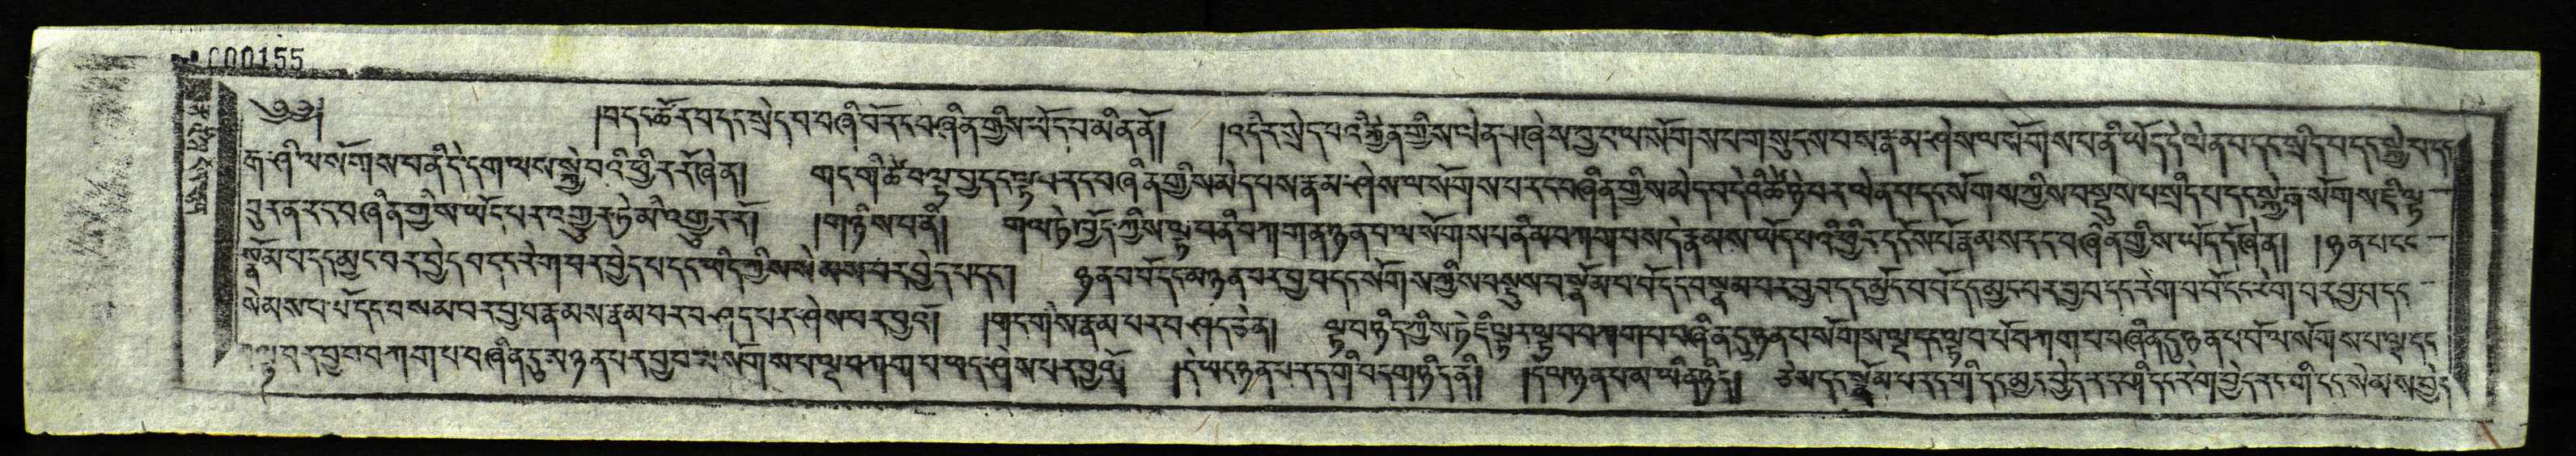༄༅། །བ་དང་ཚོར་བ་དང་སྲེད་པ་བཞི་པོ་རང་བཞིན་གྱིས་ཡོད་པ་མིན་ནོ། །འདིར་སྲེད་པའི་རྐྱེན་གྱིས་ལེན་པ་ཞེས་བྱ་བ་ལ་སོགས་པ་གསུངས་པས་རྣམ་ཤེས་ལ་སོགས་པ་ནི་ཡོད་དེ་ལེན་པ་དང་སྲིད་པ་དང་སྐྱེ་བ་དང་
རྒ་ཤི་ལ་སོགས་པ་ནི་དེ་དག་ལས་སྐྱེ་བའི་ཕྱིར་རོ་ཞེ་ན། གང་གི་ཚེ་བལྟ་བྱ་དང་ལྟ་བ་རང་བཞིན་གྱིས་མེད་པས་རྣམ་ཤེས་ལ་སོགས་པ་རང་བཞིན་གྱིས་མེད་པ་དེའི་ཚེ་ཉེ་བར་ལེན་པ་དང་སོགས་ཀྱིས་བསྡུས་པ་སྲིད་པ་དང་སྐྱེ་ན་སོགས་ཇི་ལྟ་
བུར་ན་རང་བཞིན་གྱིས་ཡོད་པར་འགྱུར་ཏེ་མི་འགྱུར་རོ། །གཉིས་པ་ནི། གལ་ཏེ་ཁྱོད་ཀྱིས་ལྟ་བ་ནི་བཀག་ན་ཉན་པ་ལ་སོགས་པ་ནི་མ་བཀག་པས་དེ་རྣམས་ཡོད་པའི་ཕྱིར་དངོས་པོ་རྣམས་དང་བཞིན་གྱིས་ཡོད་དོ་ཞེ་ན། །ཉན་པ་དང་
སྣོམ་པ་དང་མྱང་བར་བྱེད་པ་དང་རེག་པར་བྱེད་པ་དང་ཡིད་ཀྱིས་སེམས་པར་བྱེད་པ་དང་། ཉན་པ་པོ་དང་མཉན་པར་བྱ་བ་དང་སོགས་ཀྱིས་བསྡུས་པ་སྣོམ་པ་པོ་དང་བསྣམ་པར་བྱ་བ་དང་མྱོང་བ་པོ་དང་མྱང་བར་བྱ་བ་དང་རེག་པ་པོ་དང་རེག་པར་བྱ་བ་དང་
སེམས་པ་པོ་དང་བསམ་པར་བྱ་བ་རྣམས་རྣམ་པར་བཤད་པར་ཤེས་པར་བྱའོ། །གང་གིས་རྣམ་པར་བཤད་ཅེ་ན། ལྟ་བ་ཉིད་ཀྱིས་ཏེ་ཇི་ལྟར་ལྟ་བ་བཀག་པ་བཞིན་དུ་ཉན་པ་སོགས་ལྔ་དང་ལྟ་བ་པོ་བཀག་པ་བཞིན་དུ་ཉན་པ་པོ་ལ་སོགས་པ་ལྔ་དང་
བལྟ་བར་བྱ་བ་བཀག་པ་བཞིན་དུ་མཉན་པར་བྱ་བ་ལ་སོགས་པ་ལྔ་བཀག་པ་ཡང་ཤེས་པར་བྱའོ། །དེ་ཡང་ཉན་པ་རང་གི་བདག་ཉིད་ནི། །དེ་ལ་ཉན་པ་མ་ཡིན་ཉིད། ཅེས་དང་སྣོམ་པ་རང་གི་དང་མྱང་བྱེད་རང་གི་དང་རེག་བྱེད་རང་གི་དང་སེམས་བྱེད་